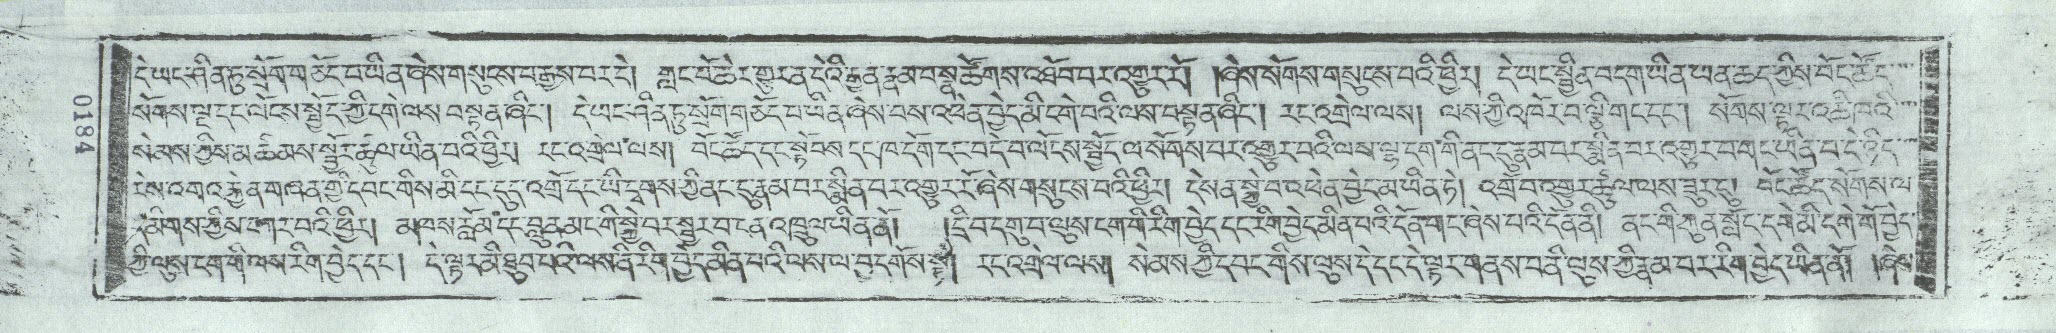དེ་ཡང་ཤིན་ཏུ་སྲོག་གཅོད་པ་ཡིན་ཞེས་གསུངས་པ་རྒྱས་བར་དེ། གླང་པོ་ཆེར་གྱུར་ན་དེའི་རྒྱན་རྣམ་པ་སྣ་ཚོགས་འཐོབ་པར་འགྱུར་རོ། །ཞེས་སོགས་གསུངས་པའི་ཕྱིར། དེ་ཡང་སྦྱིན་བདག་ཡིན་ཡན་ཆད་ཀྱིས་བོང་ཚོད་
སོགས་ལྔ་དང་ལོངས་སྤྱོད་ཀྱི་དགེ་ལས་བསྟན་ཞིང་། དེ་ཡང་ཤིན་ཏུ་སྲོག་གཅོད་པ་ཡིན་ཞེས་པས་འཕེན་བྱེད་མི་དགེ་བའི་ལས་བསྟན་ཞིང་། རང་འགྲེལ་ལས། ལས་ཀྱི་འཁོར་བ་ལྕི་གང་དང་། སོགས་ལྟར་འཆི་ཁའི་
སེམས་ཀྱིས་མཚམས་སྦྱོར་ཚུལ་ཡིན་པའི་ཕྱིར། རང་འགྲེལ་ལས། བོང་ཚོད་དང་སྟོབས་དང་ཁ་དོག་དང་བདེ་བ་ལོངས་སྤྱོད་ལ་སོགས་པར་འགྱུར་བའི་ལས་ལྷ་དག་གི་ནང་དུ་རྣམ་པར་སྨིན་པར་འགྱུར་བ་གང་ཡིན་པ་དེ་ཉིད་
རེས་འགའ་རྐྱེན་གཞན་གྱི་དབང་གིས་མི་དང་དུད་འགྲོ་དང་ཡི་དྭགས་ཀྱི་ནང་དུ་རྣམ་པར་སྨིན་པར་འགྱུར་རོ་ཞེས་གསུངས་པའི་ཕྱིར། དེས་ན་སྐྱེ་བ་འཕེན་བྱེད་མ་ཡིན་ཏེ། འགྲོ་བ་འགྱུར་ཚུལ་ལས་ཟུར་དུ། བོང་ཚོད་སོགས་ལ་
དམིགས་ཀྱིས་བཀར་བའི་ཕྱིར། མཁས་རློམ་དང་བླུན་མང་གི་སྐྱེ་བར་སྦྱར་བ་ངན་འཁྲུལ་ཡིན་ནོ། །དྲི་བ་དགུ་པ་ལུས་ངག་གི་རིག་བྱེད་དང་རིག་བྱེད་མིན་པའི་དོན་གང་ཞེས་པའི་དོན་ནི། ནང་གི་ཀུན་སློང་དགེ་མི་དགེ་གོ་བྱེད་
ཀྱི་ལུས་ངག་གི་ལས་རིག་བྱེད་དང་། དེ་ལྟར་མི་ཐུབ་པའི་ལས་ནི་རིག་བྱེད་མིན་པའི་ལས་ལ་བྱ་དགོས་སྟེ། རང་འགྲེལ་ལས། སེམས་ཀྱི་དབང་གིས་ལུས་དེ་དང་དེ་ལྟར་གནས་པ་ནི་ལུས་ཀྱི་རྣམ་པར་རིག་བྱེད་ཡིན་ནོ། །ཞེས་